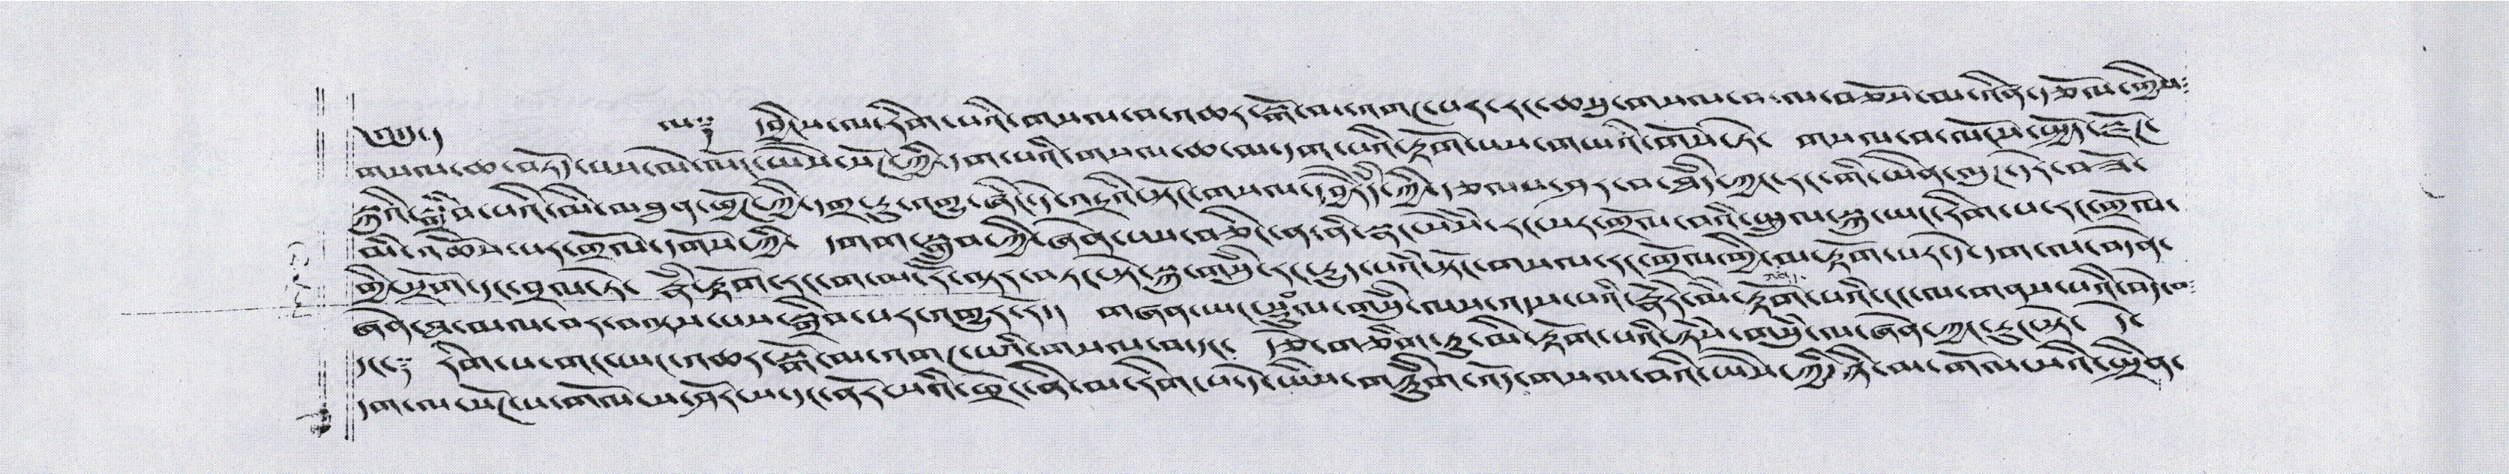ལ། དབྱིངས་ལ་རེག་པའི་གསལ་བ་འཆར་སྒོ་མ་འགག་པར་རང་ཆས་སུ་གསལ་བ་ལ་བཅོས་མ་འཛིན་རྩོལ་གྱིས་
གསལ་ཆ་བཏོད་པས་མེ་ལོང་ཡེ་ཤེས་སོགས་ཀྱི་དག་པའི་གསལ་ཆ་མ་དག་པའི་རྟོག་པའི་གཡའ་ཡིས་གོས་ཏེ། གསལ་བ་ལོངས་སྤྱོད་རྫོགས་
སྐུའི་སྒྲིབ་པའི་མི་མཐུན་ཕྱོགས་ཀྱི་དགྲ་རུ་འགྱུར་ཞིང་དེ་འདྲའི་སྟོང་གསལ་དབྱེར་མེད་ཀྱི་རྩལ་ལས་ཤར་བ་ཐམས་ཅད་ཀྱང་རང་གི་ཡིན་ལུགས་དེར་བཟོ་
མི་འཆོས་པར་གྲོལ་དགོས་ཀྱི། དགག་སྒྲུབ་ཀྱི་ཞེན་པས་བཅིང་ན་ནི་སྣང་སེམས་རང་སར་གྲོལ་བའི་སྤྲུལ་སྐུ་ཡང་རིག་པ་རང་གྲོལ་
གྱི་སྲོག་དང་བྲལ་ཏེ། རྣམ་རྟོག་རང་ག་མ་རོ་ལྟར་བཏང་སྟེ་སྐུ་གསུམ་རང་རྒྱུད་པའམ་སྟོང་གསལ་རང་གྲོལ་གྱི་གནད་མ་རྟོགས་པར་དེ་དག་ལ་བདེན་
ཞེན་ཐ་མལ་བར་བལྟས་པས་བསྒྲིབས་པར་འགྱུར་རོ། གཞན་ཡང་སྡུག་བསྔལ་གསུམ་ལས་འདས་པའི་རྣམ་པར་མི་རྟོག་པའི་ངང་ལ་གནས་པའི་བདེ་བ་
དང་། རིག་པ་གང་ཡང་འཆར་སྒོ་མ་འགག་པའི་གསལ་བ་དང་། རྩེ་གཅིག་ཏུ་མི་རྟོག་པའི་ཉམས་གསུམ་ལ་ཞེན་ཀྱང་རུང་སྟེ། དེ་
དག་ལ་སོགས་པ་གོལ་ས་ཤོར་ས་དང་ནོར་སའི་འཕྲང་ནི་མ་རིག་པ་དེ་ཡིས་གཉུག་མ་འོད་གསལ་བའི་ཡེ་ཤེས་ཀྱི་ཉི་མ་གོལ་སའི་སྤྲིན་